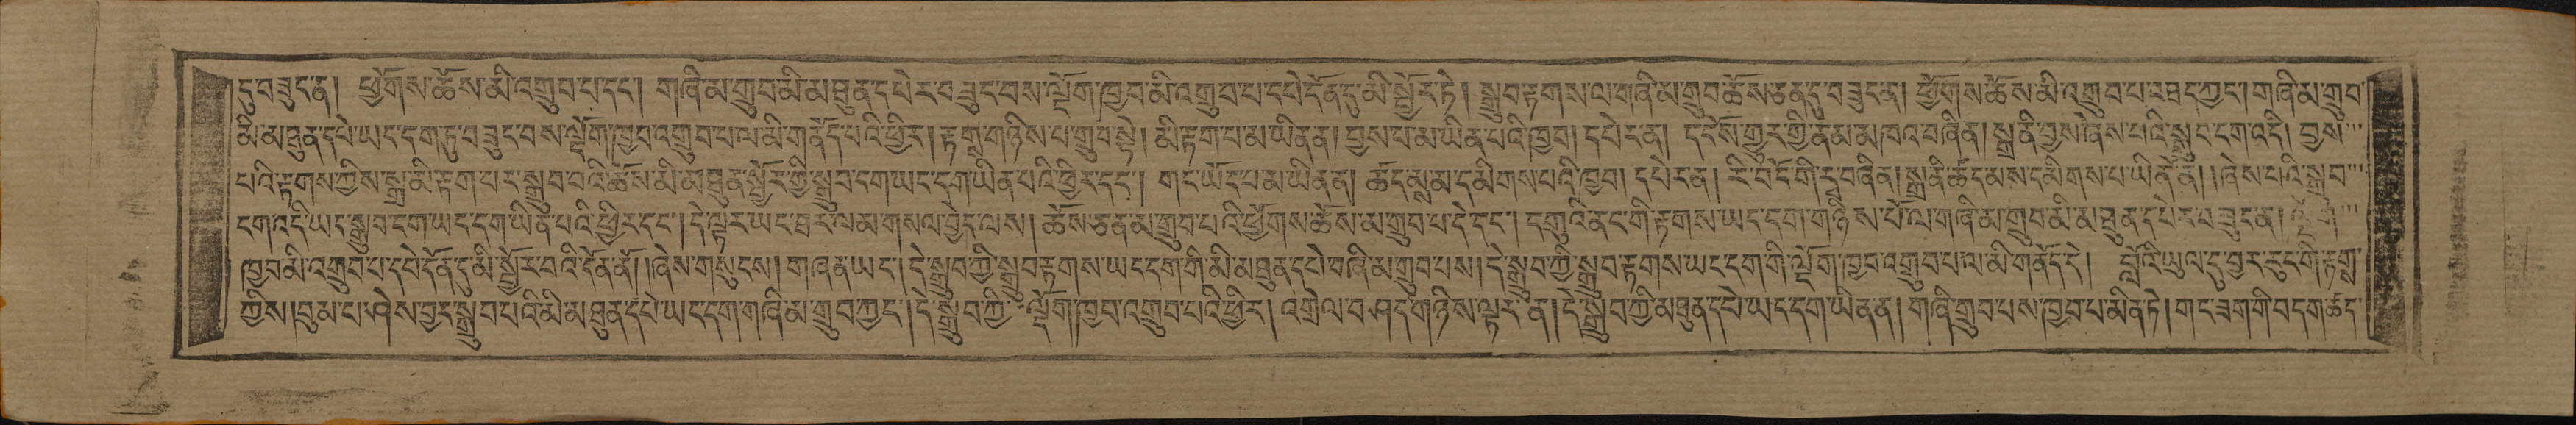དུ་བཟུང་ན། ཕྱོགས་ཆོས་མི་འགྲུབ་པ་དང་། གཞི་མ་གྲུབ་མི་མཐུན་དཔེར་བཟུང་བས་ལྡོག་ཁྱབ་མི་འགྲུབ་པ་དཔེ་དོན་དུ་མི་སྦྱོར་ཏེ། སྒྲུབ་རྟགས་ལ་གཞི་མ་གྲུབ་ཆོས་ཅན་དུ་བཟུང་ན། ཕྱོགས་ཆོས་མི་འགྲུབ་པ་འཐད་ཀྱང་། གཞི་མ་གྲུབ་
མི་མཐུན་དཔེ་ཡང་དག་ཏུ་བཟུང་བས་ལྡོག་ཁྱབ་འགྲུབ་པ་ལ་མི་གནོད་པའི་ཕྱིར། རྟགས་གཉིས་པ་གྲུབ་སྟེ། མི་རྟག་པ་མ་ཡིན་ན། བྱས་པ་མ་ཡིན་པས་ཁྱབ། དཔེར་ན། དངོས་གྱུར་གྱི་ནམ་མཁའ་བཞིན། སྒྲ་ནི་བྱས་ཞེས་པའི་སྒྲུབ་ངག་འདི། བྱས་
པའི་རྟགས་ཀྱིས་སྒྲ་མི་རྟག་པར་སྒྲུབ་པའི་ཆོས་མི་མཐུན་སྦྱོར་གྱི་སྒྲུབ་ངག་ཡང་དག་ཡིན་པའི་ཕྱིར་དང་། གང་ཡོད་པ་མ་ཡིན་ན། ཚད་མས་མ་དམིགས་པས་ཁྱབ། དཔེར་ན། རི་བོང་གི་རྭ་བཞིན། སྒྲ་ནི་ཚད་མས་དམིགས་པ་ཡིན་ནོ། །ཞེས་པའི་སྒྲུབ་
ངག་འདི་ཡང་སྒྲུབ་ངག་ཡང་དག་ཡིན་པའི་ཕྱིར་དང་། དེ་ལྟར་ཡང་ཐར་ལམ་གསལ་བྱེད་ལས། ཆོས་ཅན་མ་གྲུབ་པའི་ཕྱོགས་ཆོས་མ་གྲུབ་པ་དེ་དང་། དགུའི་ནང་གི་རྟགས་ཡང་དག་གཉིས་པོ་ལ་གཞི་མ་གྲུབ་མི་མཐུན་དཔེར་བཟུང་ན། ལྡོག་
ཁྱབ་མི་འགྲུབ་པ་དཔེ་དོན་དུ་མི་སྦྱོར་བའི་དོན་ནོ། །ཞེས་གསུངས། གཞན་ཡང་། དེ་སྒྲུབ་ཀྱི་སྒྲུབ་རྟགས་ཡང་དག་གི་མི་མཐུན་དཔེ་བཞི་མ་གྲུབ་པས། དེ་སྒྲུབ་ཀྱི་སྒྲུབ་རྟགས་ཡང་དག་གི་ལྡོག་ཁྱབ་འགྲུབ་པ་ལ་མི་གནོད་དེ། བློའི་ཡུལ་དུ་བྱར་རུང་གི་རྟགས་
ཀྱིས། བུམ་པ་ཤེས་བྱར་སྒྲུབ་པའི་མི་མཐུན་དཔེ་ཡང་དག་གཞི་མ་གྲུབ་ཀྱང་། དེ་སྒྲུབ་ཀྱི་ལྡོག་ཁྱབ་འགྲུབ་པའི་ཕྱིར། འགྲེལ་བཤད་གཉིས་ལྟར་ན། དེ་སྒྲུབ་ཀྱི་མཐུན་དཔེ་ཡང་དག་ཡིན་ན། གཞི་གྲུབ་པས་ཁྱབ་པ་མིན་ཏེ། གང་ཟག་གི་བདག་ཚད་